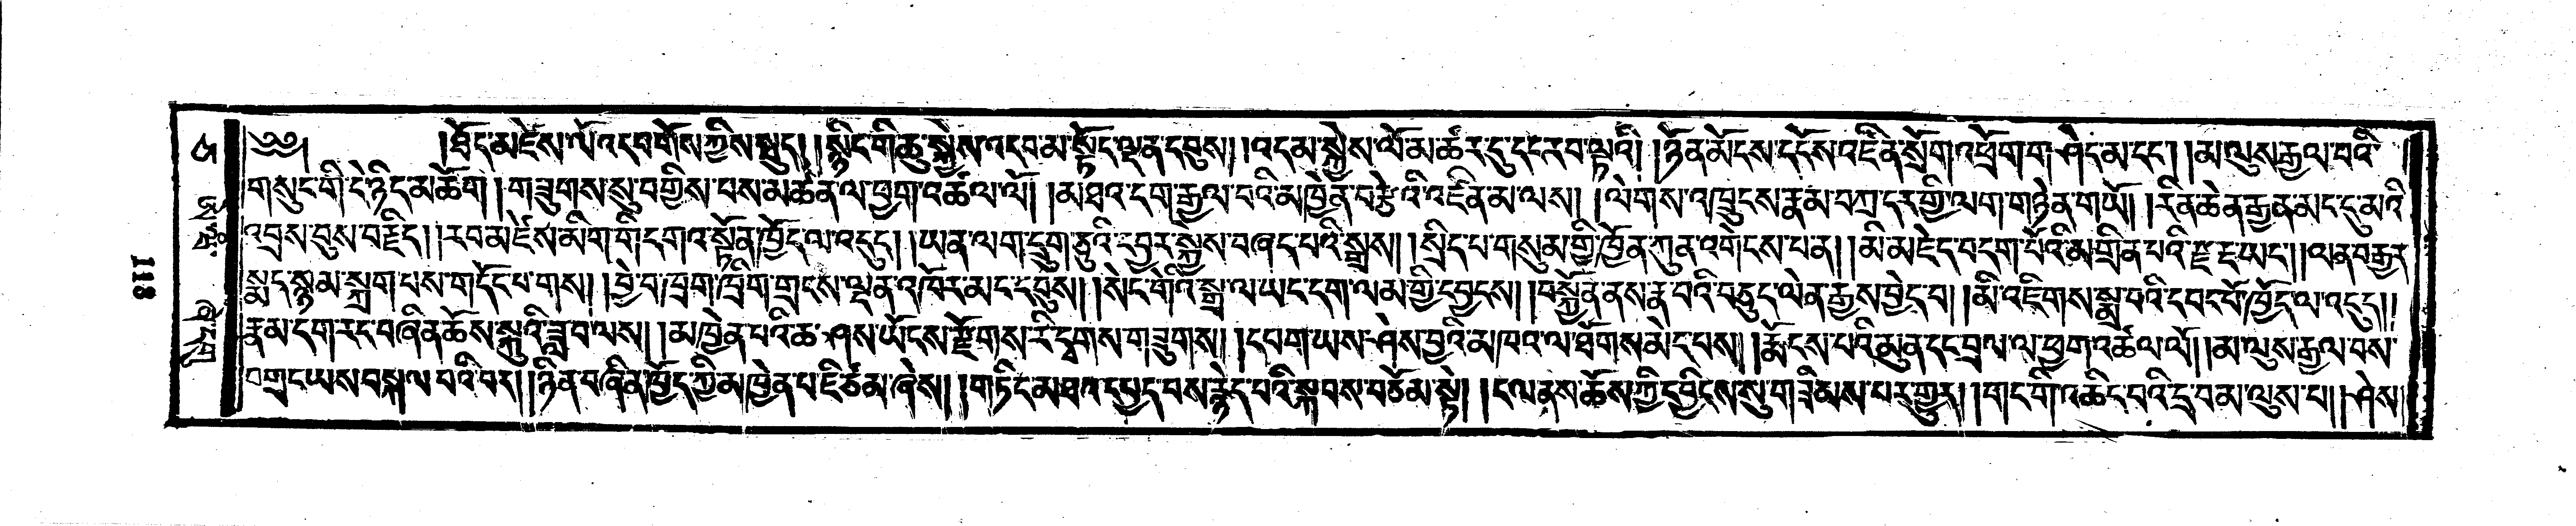༄༅། །ཐོད་མཛེས་ལོ་འདབ་གོས་ཀྱིས་སྤུད། །སྙིང་གི་ཆུ་སྐྱེས་འདབ་མ་སྟོང་ལྡན་དབུས། །འདམ་སྐྱེས་ལོ་མ་ཚར་དུ་དང་རབ་ལྟའི། །ཉོན་མོངས་དངོས་འཛིན་སྲོག་འཕྲོག་གཤེད་མ་དང་། །མ་ལུས་རྒྱལ་བའི་
གསུང་གི་དེ་ཉིད་མཆོག །གཟུགས་སུ་བགྱིས་པས་མཚན་ལ་ཕྱག་འཚལ་ལོ། །མཐའ་དག་རྒྱལ་བའི་མཁྱེན་བརྩེའི་འཛིན་མ་ལས། །ལེགས་འཁྲུངས་རྣམ་བཀྲ་དར་གྱི་ལག་གཉེན་གཡོ། །རིན་ཆེན་རྒྱན་མང་དུ་མའི་
འབྲས་བུས་བརྗིད། །རབ་མཛེས་མིག་གི་དགའ་སྟོན་ཁྱོད་ལ་འདུད། །ཡན་ལག་དྲུག་ཅུའི་དབྱར་སྐྱེས་བཞད་པའི་སྒྲས། །སྲིད་པ་གསུམ་གྱི་ཁྱོན་ཀུན་འགེངས་པ་ན། །མི་མཇེད་བདག་པོའི་མགྲིན་པའི་རྫ་རྔ་ཡང་། །ལན་བརྒྱར་
སྨད་སྙམ་སྐྲག་པས་གདོང་པ་གས། །བྱེ་བ་ཁྲག་ཁྲིག་གྲངས་ལྡན་འཁོར་མང་དབུས། །སེང་གེའི་སྒྲ་ལ་ཡང་དག་ལམ་གྱི་དབྱངས། །བསྐྱོན་ནས་རྣ་བའི་བཅུད་ལེན་རྒྱས་བྱེད་པ། །མི་འཇིགས་སྨྲ་བའི་དབང་པོ་ཁྱོད་ལ་འདུད། །
རྣམ་དག་རང་བཞིན་ཆོས་སྐུའི་ཟླ་བ་ལས། །མཁྱེན་པའི་ཆ་ཤས་ཡོངས་རྫོགས་རི་དྭགས་གཟུགས། །དཔག་ཡས་ཤེས་བྱའི་མཁའ་ལ་ཐོགས་མེད་པས། །རྨོངས་པའི་མུན་དང་བྲལ་ལ་ཕྱག་འཚལ་ལོ། །མ་ལུས་རྒྱལ་བས་
བགྲང་ཡས་བསྐལ་པའི་བར། །ཉིན་བཞིན་ཁྱོད་ཀྱི་མཁྱེན་པ་ཇི་ཙམ་ཞེས། །གཏིང་མཐའ་དཔྱད་པས་རྙེད་པའི་སྐབས་བཅོམ་སྟེ། །ངལ་ནས་ཆོས་ཀྱི་དབྱིངས་སུ་གཟིམས་པར་གྱུར། །གང་གི་འཆིང་བའི་དྲ་བ་མ་ལུས་པ། །ཤེས་